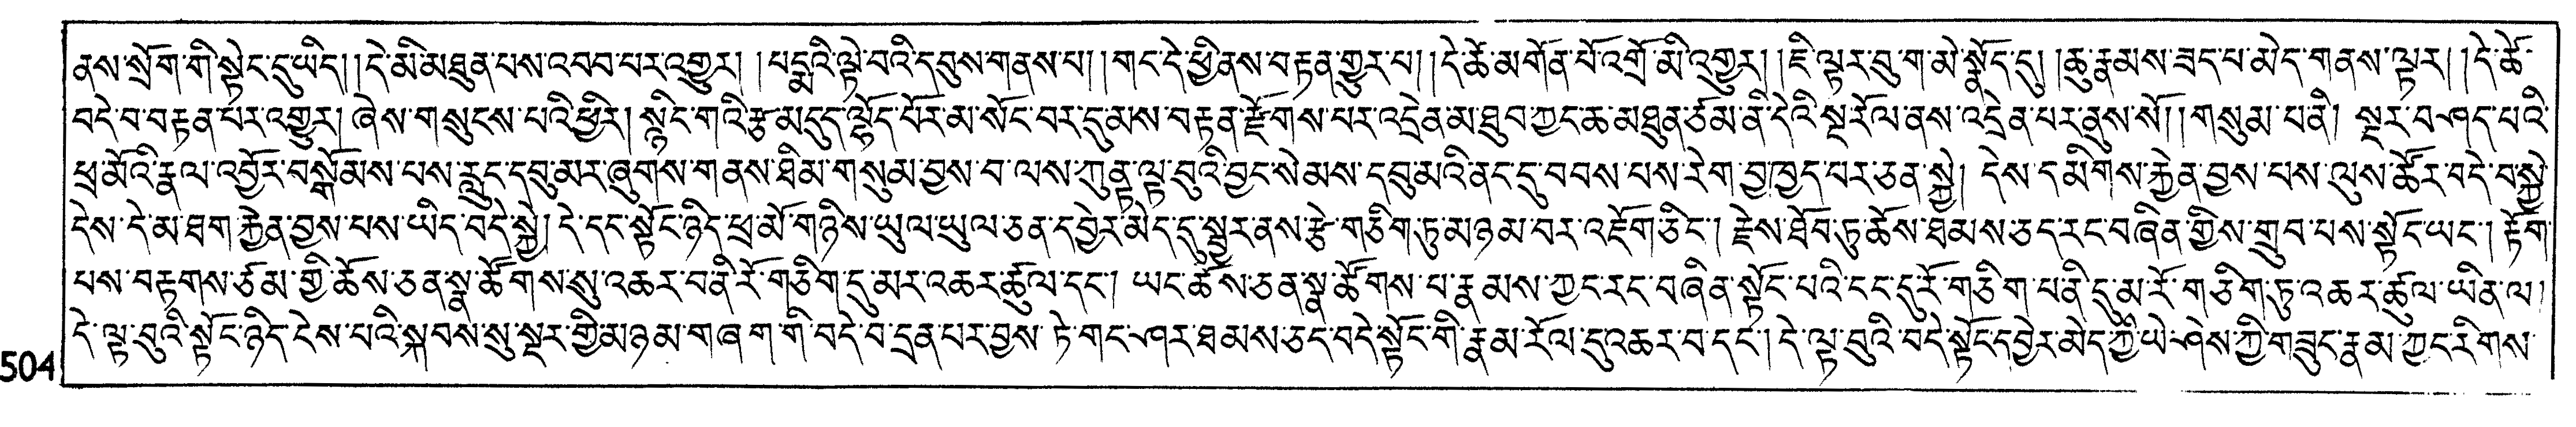ནས་སྲོག་གི་སྟེང་དུ་ཡིད། །དེ་མི་མཐུན་པས་འབབ་པར་འགྱུར། །པདམའི་ལྟེ་བའི་དབུས་གནས་པ། །གང་དེ་ཕྱི་ནས་བརྟན་གྱུར་པ། །དེ་ཚེ་མགོན་པོ་འགྲོ་མི་འགྱུར། །ཇི་ལྟར་བུ་ག་མེ་སྣོད་དུ། །ཆུ་རྣམས་ཟད་པ་མེད་གནས་ལྟར། །དེ་ཚེ་
བདེ་བ་བརྟན་པར་འགྱུར། ཞེས་གསུངས་པའི་ཕྱིར། སྙིང་གའི་རྩ་མདུད་ལྷོད་པོར་མ་སོང་བར་དུ་མས་བརྟན་རྫོགས་པར་འདྲེན་མ་ཐུབ་ཀྱང་ཆ་མཐུན་ཙམ་ནི་དེའི་སྔ་རོལ་ནས་འདྲེན་པར་ནུས་སོ། །གསུམ་པ་ནི། སྔར་བཤད་པའི་
ཕྲ་མོའི་རྣལ་འབྱོར་བསྒོམས་པས་རླུང་དབུ་མར་ཞུགས་གནས་ཐིམ་གསུམ་བྱས་པ་ལས་ཀུནྟ་ལྟ་བུའི་བྱང་སེམས་དབུ་མའི་ནང་དུ་བབས་པས་རེག་བྱ་ཁྱད་པར་ཅན་སྐྱེ། དེས་དམིགས་རྐྱེན་བྱས་པས་ལུས་ཚོར་བདེ་བ་སྐྱེ་
དེས་དེ་མ་ཐག་རྐྱེན་བྱས་པས་ཡིད་བདེ་སྐྱེ། དེ་དང་སྟོང་ཉིད་ཕྲ་མོ་གཉིས་ཡུལ་ཡུལ་ཅན་དབྱེར་མེད་དུ་སྦྱར་ནས་རྩེ་གཅིག་ཏུ་མཉམ་པར་འཇོག་ཅིང་། རྗེས་ཐོབ་ཏུ་ཆོས་ཐམས་ཅད་རང་བཞིན་གྱིས་གྲུབ་པས་སྟོང་ཡང་། རྟོག་
པས་བརྟགས་ཙམ་གྱི་ཆོས་ཅན་སྣ་ཚོགས་སུ་འཆར་བ་ནི་རོ་གཅིག་དུ་མར་འཆར་ཚུལ་དང་། ཡང་ཆོས་ཅན་སྣ་ཚོགས་པ་རྣམས་ཀྱང་རང་བཞིན་སྟོང་པའི་ངང་དུ་རོ་གཅིག་པ་ནི་དུ་མ་རོ་གཅིག་ཏུ་འཆར་ཚུལ་ཡིན་ལ།
དེ་ལྟ་བུའི་སྟོང་ཉིད་ངེས་པའི་སྐབས་སུ་སྔར་གྱི་མཉམ་གཞག་གི་བདེ་བ་དྲན་པར་བྱས་ཏེ་གང་ཤར་ཐམས་ཅད་བདེ་སྟོང་གི་རྣམ་རོལ་དུ་འཆར་བ་དང་། དེ་ལྟ་བུའི་བདེ་སྟོང་དབྱེར་མེད་ཀྱི་ཡེ་ཤེས་ཀྱི་གཟུང་རྣམ་ཀྱང་རིགས་